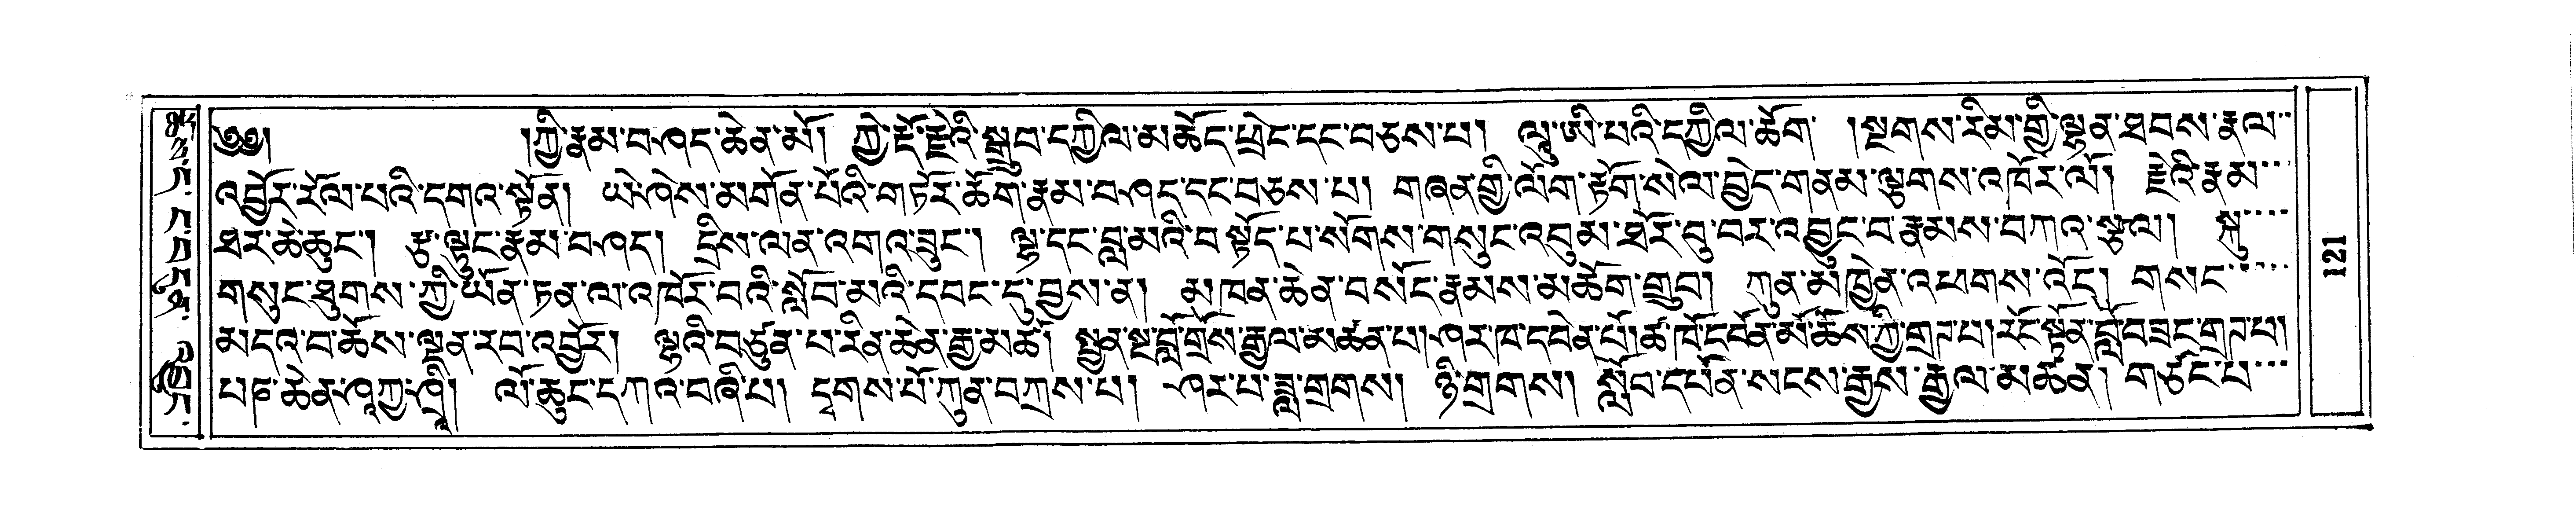༄༅། །ཀྱི་རྣམ་བཤད་ཆེན་མོ། ཀྱེ་རྡོ་རྗེའི་སྒྲུབ་དཀྱིལ་མཆོད་ཕྲེང་དང་བཅས་པ། ལཱུ་ཨི་པའི་དཀྱིལ་ཆོག །སྔགས་རིམ་གྱི་ལྷན་ཐབས་རྣལ་
འབྱོར་རོལ་པའི་དགའ་སྟོན། ཡེ་ཤེས་མགོན་པོའི་གཏོར་ཆོག་རྣམ་བཤད་དང་བཅས་པ། གཞན་གྱི་ལོག་རྟོག་སེལ་བྱེད་གནམ་ལྕགས་འཁོར་ལོ། རྗེའི་རྣམ་
ཐར་ཆེ་ཆུང་། རྩ་ལྟུང་རྣམ་བཤད། དྲིས་ལན་འགའ་ཟུང་། ལྷ་དང་བླ་མའི་བསྟོད་པ་སོགས་གསུང་འབུམ་ཐོར་བུ་བར་འབྱུང་བ་རྣམས་བཀའ་སྩལ། སྐུ་
གསུང་ཐུགས་ཀྱི་ཡོན་ཏན་ལ་འཁོར་བའི་སློབ་མའི་དབང་དུ་བྱས་ན། མཁན་ཆེན་བསོད་རྣམས་མཆོག་གྲུབ། ཀུན་མཁྱེན་འཕགས་འོང་། གསང་
མདའ་བ་ཆོས་ལྡན་རབ་འབྱོར། ལྷའི་བཙུན་པ་རིན་ཆེན་རྒྱ་མཚོ། སྤྱན་སྔ་བློ་གྲོས་རྒྱལ་མཚན་པ། ཤར་ཁ་དབེན་པོ། ཚ་ཁོ་དབོན་མོ་ཆོས་ཀྱི་གྲཌ་པ། རོང་སྟོན་བློ་བཟང་གྲཌ་པ།
པཎ་ཆེན་ཤཱཀྱ་ཤྲཱི། ལོ་ཆུང་དཀའ་བཞི་པ། དྭགས་པོ་ཀུན་བཀྲས་པ། ཤར་པ་ཟླ་གྲགས། ཉི་གྲགས། སློབ་དཔོན་སངས་རྒྱས་རྒྱལ་མཚན། གཙང་པ་